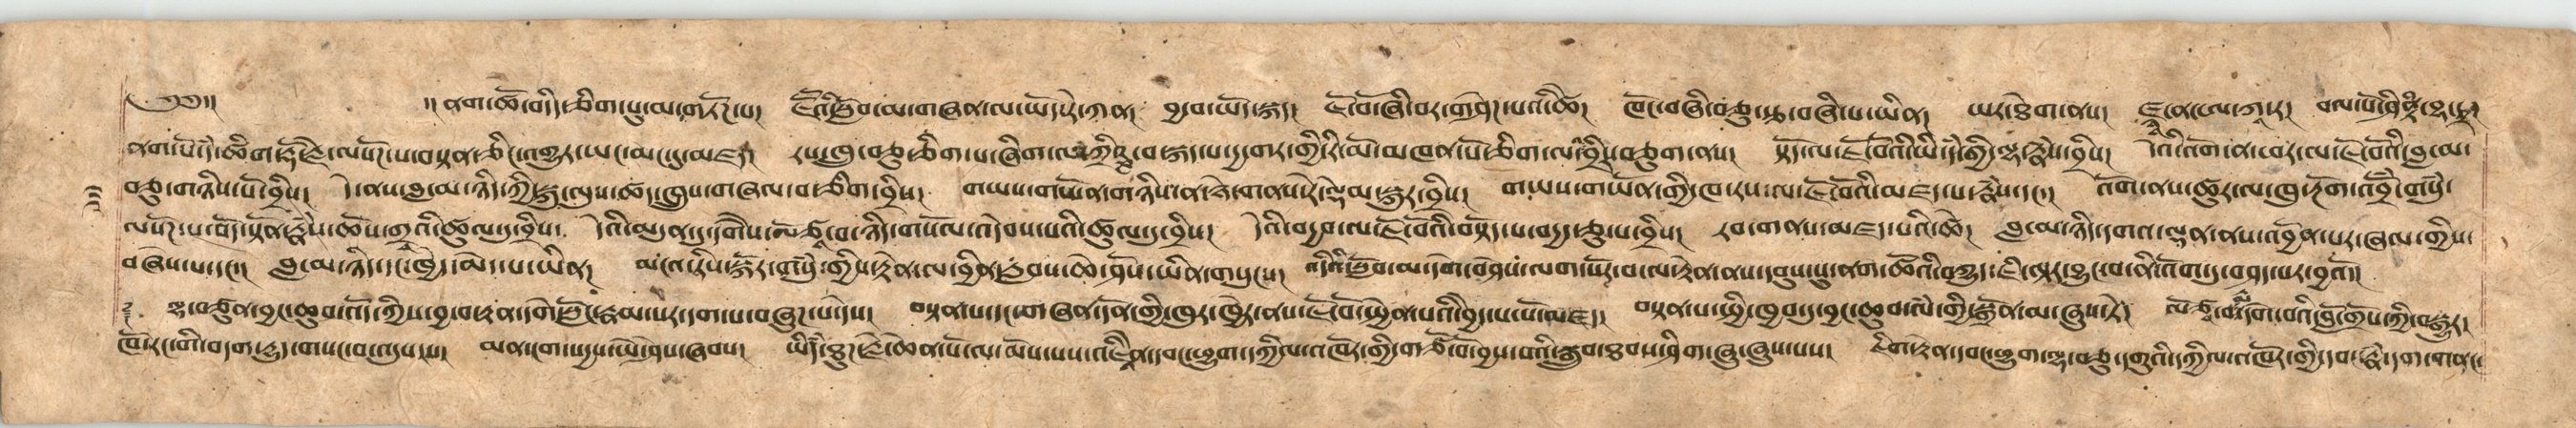་།ནག་ཚོ་བདིད་ཅིག་པུ་མ་གཏོཌ་པ། ཇཽའི་སློབ་མ་གཞན་ལ་ཡོད་རེ་ཀན། བྱ་བ་ཡོད་སྐད། ཇོ་བོ་ཞི་བར་གཤེཌ་པའི་ཚེ། ཁོང་བཞི་ཅུ་རྩ་བཞི་པ་ཡིན། ཡར་ཐེག་ནས། ཛྙཱ་ན་ཨཱ་ཀཱ་ར། བལ་པོ་ཤཱནྟི་བྷ་དྲ།
ནག་པོ་དཾ་ཚིག་རྡོ་རྗེ་ལསོཌ་པ་བསྟན་ཅིང་འགྱུར་ཡང་མང་དུ་མཛད། རས་ཁྲུ་བཅུ་ཅིག་པ་ཞིག་ལ་ཀྲིཥྞ་བ་སྐད་པ་དྱ་གར་གྱི་རི་མོ་མཁན་པོ་ཅིག་ལ་འབྲིར་བཅུག་ནས། སྟོད་ལ་ཇོ་བོའི་ཡི་དཾ་གྱི་ལྷ་རྣཾས་བྲིས། དེའི་འོག་ན་ཕར་ལ་ཇོ་བོའི་བླ་མ་
བཅུ་གཉིས་པོ་བྲིས། དེ་ནས་བླ་མ་ཉིད་ཀྱི་སྐུ་ལུས་ཚད་ཁྲུས་གཞལ་བ་ཅིག་བྲིས། གཡས་གཡོན་གཉིས་ན་ཉེ་གནས་རེ་ལྡེམ་སྐུར་བྲིས། གཡས་གཡོན་གྱི་ཁ་རས་ལ་ཇོ་བོའི་མཛད་པ་རྣཾས་དང་། འོག་ན་ཚུར་ལ་ཁུ་རྔོག་འབྲོཾ་གསུཾ་
ལསོཌ་པ་བོད་སྟོན་རྣཾས་ཆོས་གྲྭའི་ཚུལ་དུ་བྲིས། དེའི་མདུན་དུ་དགཻས་ལོཙཱ་བ་ཉིད་གསོལ་འདེབས་པའི་ཚུལ་དུ་བྲིས། དེའི་བདྱབ་ལ་ཇོ་བོའི་བསྟོད་པ་བདྱད་ཅུ་པ་བྲིས། རབ་གནས་མཛད་པའི་ཚེ། བླ་མ་ཉིད་དགའ་ལྡན་ནས་འབྱོན་པར་ཞལ་གྱིས་
བཞེས་པ་དང་། བླ་མ་ཉིད་དང་ཁྱད་མེད་པ་ཡིན། མངའ་རིས་སྐོར་གསུཾ་གྱིས་རྟེན་ལ་བྱིན་རླབས་ཆེ་ཤོས་ཡིན་གསུངས། འདིའི་སློབ་མ་དགེ་བཤེས་ལག་སོར་བ་ལ་རྟེན་ནས་དབུས་སུ་ནག་ཚོའི་བཀྱུད་ཇི་ལྟར་བྱུང་བ་ནི་འོག་ཏུ་བཤད་པར་བྱའོ་།
ལྷ་བཙུན་བྱང་ཆུབ་འོད་ཀྱིས་བྱ་བ་རྟན་དགེ་སློང་རྣམ་པར་དག་པ་བཞུཌ་པ་དེས། བསྟན་པ་དང་གཞན་དོན་གྱི་ཁུར་ཁྱེར་ནས་ཇོ་བོ་སྤྱེན་པའི་བྱེད་པ་པོ་མཛད། བསྟན་པ་སྤྱི་ཁྱབ་དུ་བྱང་ཆུབ་ལཾ་གྱི་སྒྲོན་མ་ཞུས་ཏེ། ལོཙྪ་བ་རྨ་དགེ་བའི་བློ་གྲོས་ཀྱི་བསྒྱུར།
ཁོ་རང་གི་བདག་དྱུད་གསང་བ་འདུས་པ། མན་ངག་སདྱསཡེ་ཤེས་ཞབས། ཡིདཾ་ཐུཌ་རྗེ་ཆེན་པོ་ལ་མོས་པས་འཇྟིནེ་དབང་ཕྱུག་དཀྱིལ་འཁོར་གྱི་གཙོ་བོ་བྱས་པའི་སྒྲུབ་ཐབས་ཤིག་ཞུ་ཞུས་པས། ཇིག་རྟེན་དབང་ཕྱུག་ལྷ་བཅུ་དགུའི་དཀྱིལ་འཁོར་གྱི་དབང་རྣཾ་དག་གནང་